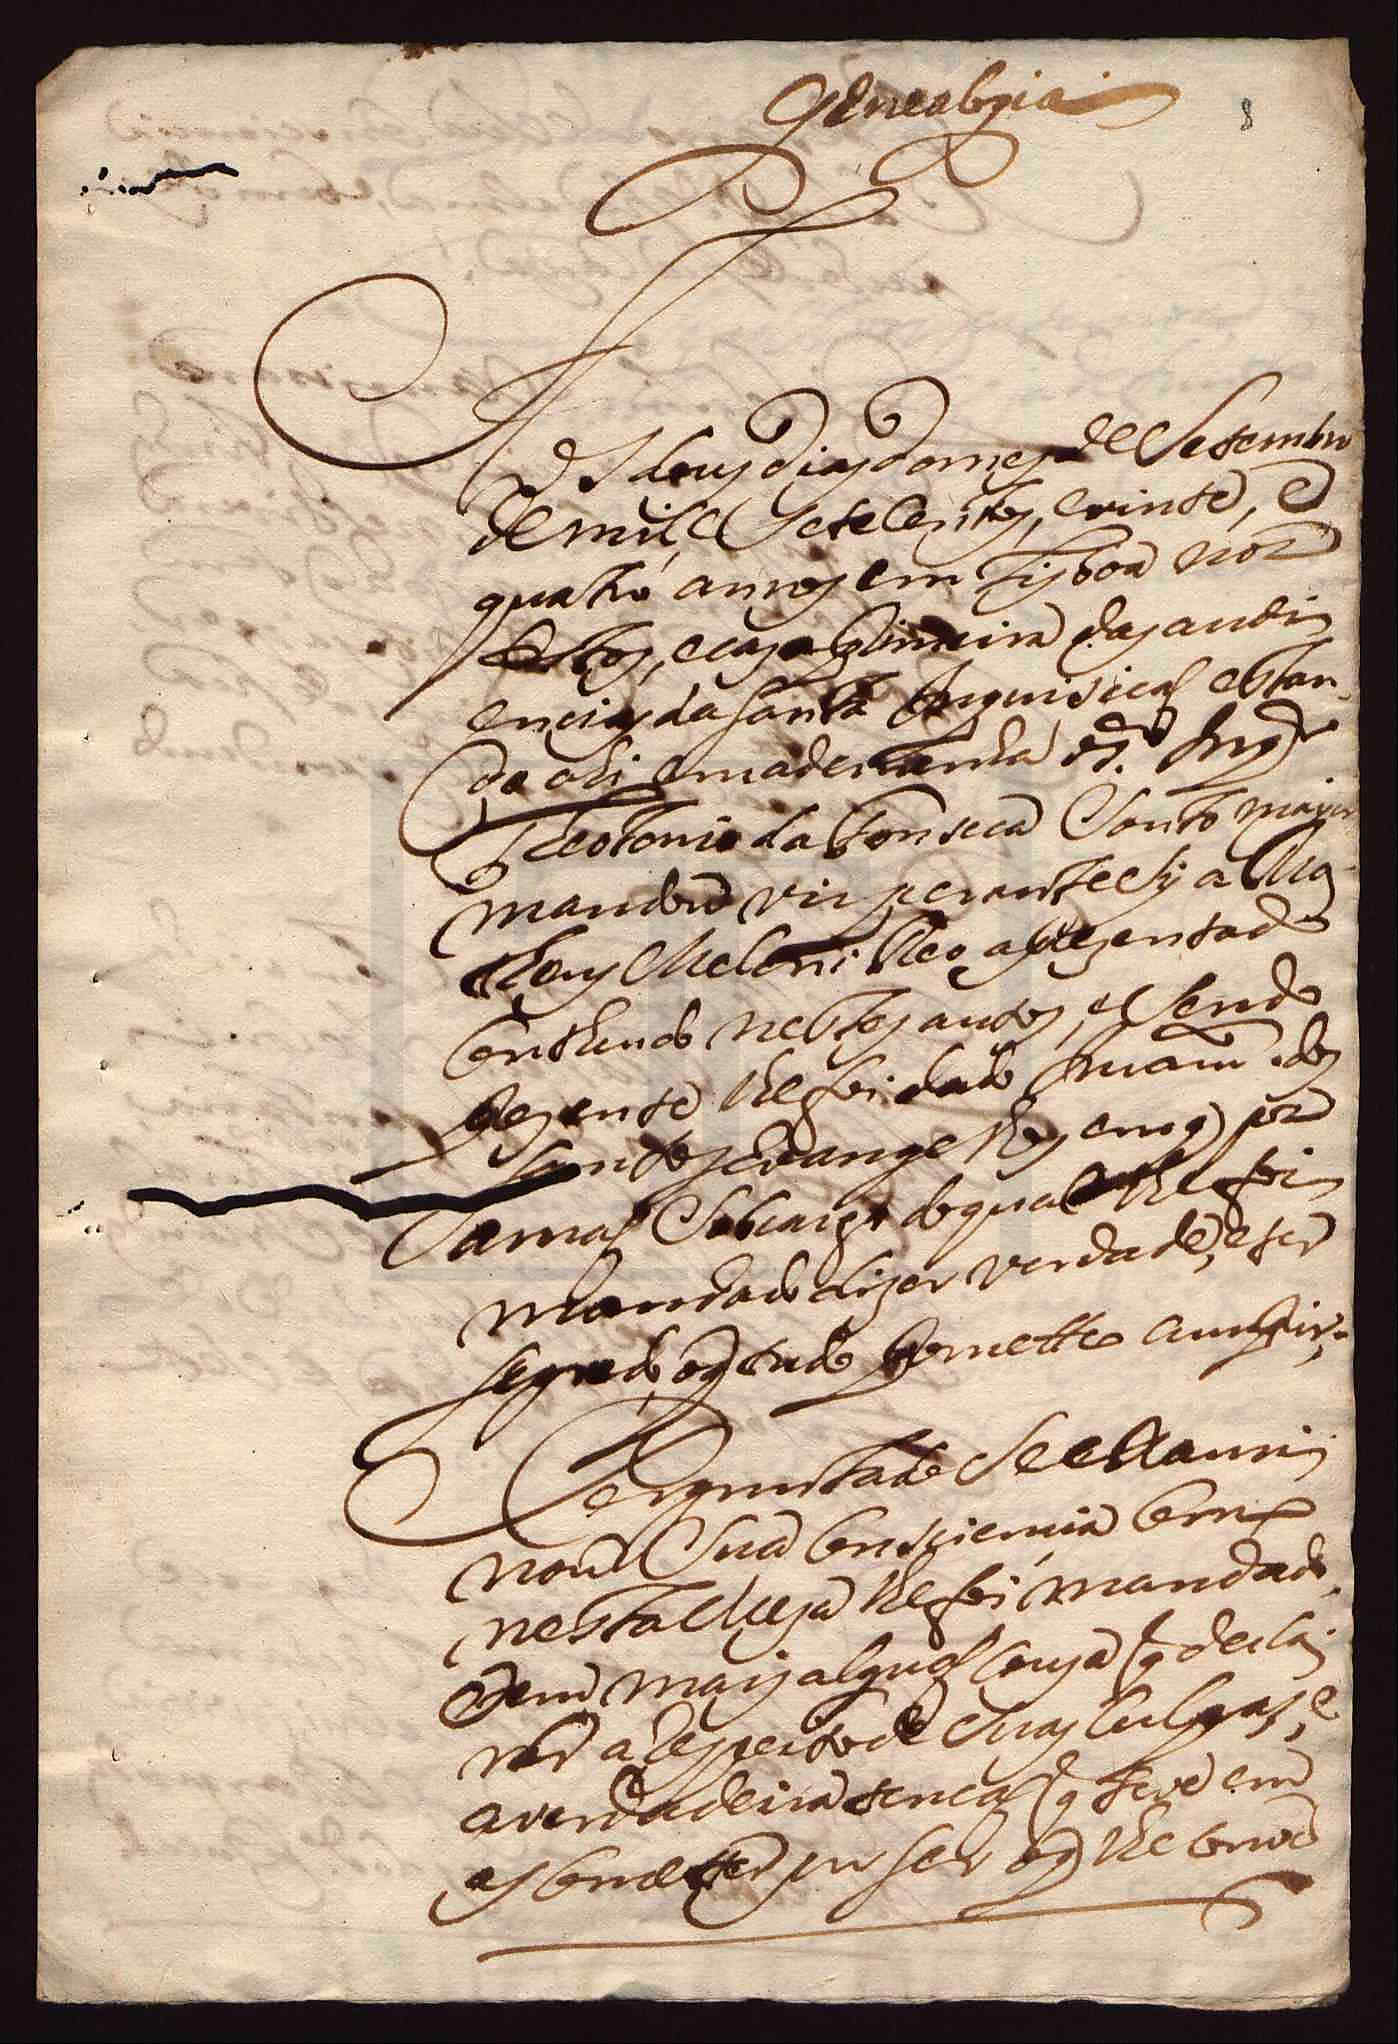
Genealogia
Aos dous dias do mes de Setembro
de mil, e SeteCentos, e vinte, e
quatro annos em Lisboa noz
estaos, e caza pRimeira das audi
encias da santa Inquisiçaõ estan
do ahi em a de manha o s.or Inqor
Theotonio da Fonseca Souto mayor
mandou vir perante sy a Ma
theus Meloni Reo apRezentado
Contheudo nestes autos, e Sendo
pRezente lhe foi dado Iuramto. dos
santos Evangelhos em q̄ poz
a maõ Sob cargo do qual lhe foi
mandado dizer verdade, e ter
segredo, o q̄ tudo prometteo cumpRir,
Perguntado se exami
nou sua Consciençia Como
nesta Meza lhe foi mandado
e tem mais alguā couza q̄ decla
rar a Respeito de Suas Culpas, e
a verdadeira tençaõ q̄ teve em
as cometer por ser o q̄ lhe convē
